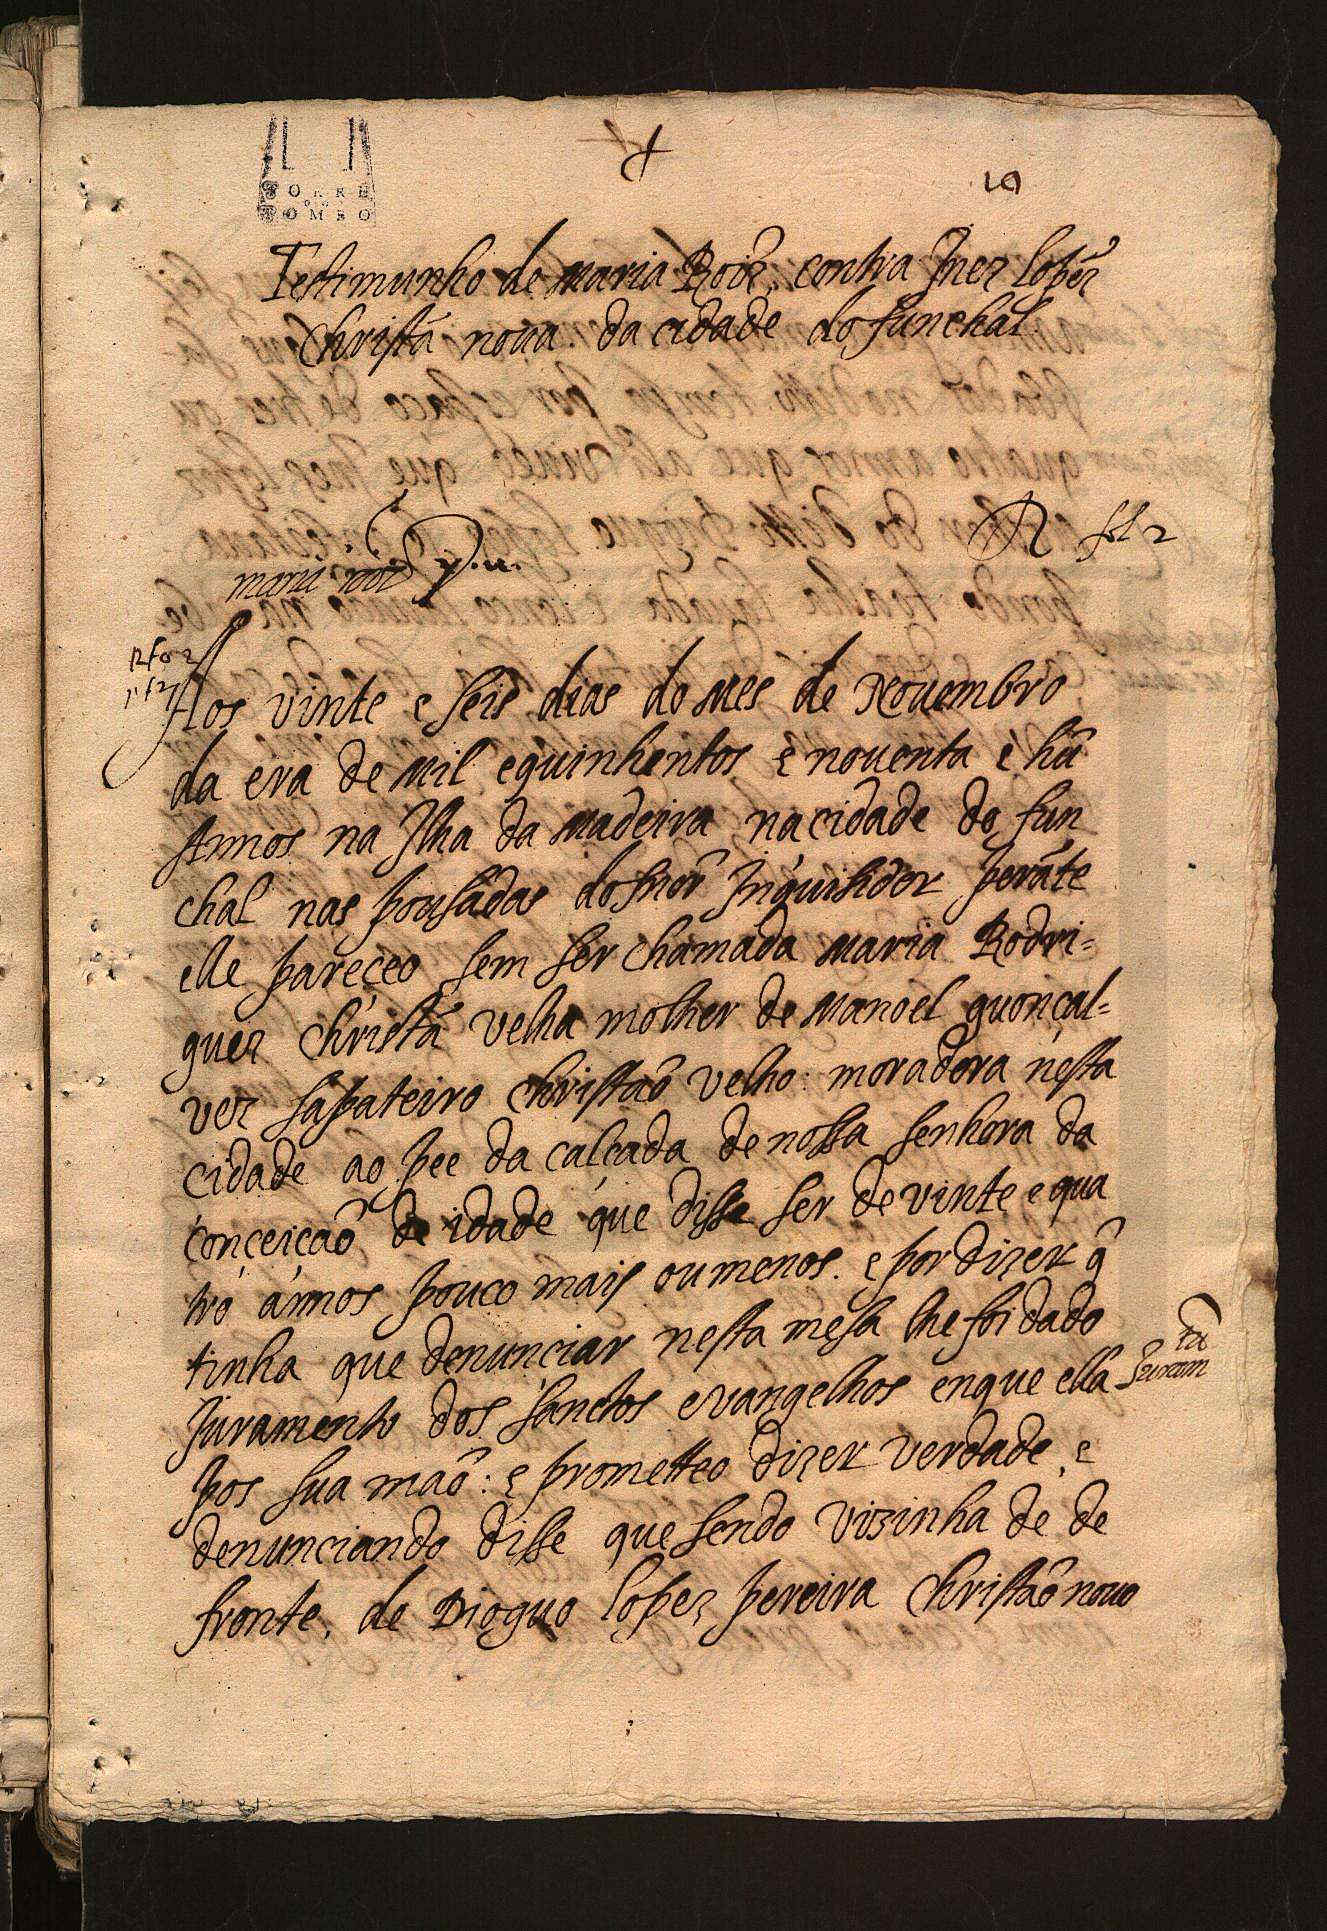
Testimunho de Maria Roiz̄, contra Jnez Lopez̄
Christa̅ noua da cidade do funchal
Aos vinte e seis dias do Mes de Nouembro
da era de Mil e quinhentos E nouenta e hu̅
Annos na Jlha da Madeira na çidade do fun
chaL nas pousadas do sno̅r Jnquisidor pera̅te
elle pareçeo sem ser chamada Maria Rodri
guez christa̅ velha molher de Manoel guonçal
vez sapateiro christão velho moradora nesta
çidade ao pee da calçada de nossa senhora da
conçeição de idade que disse ser de vinte e qua
tro annos pouco mais ou menos. E por dizer q̅
tinha que denunçiar nesta mesa lhe foi dado
Juramento dos sanctos evangelhos en que ella
pos sua maõ: E prometteo dizer verdade, E
denunciando disse que sendo vizinha de de
fronte, de Dioguo Lopez pereira christão nouo
